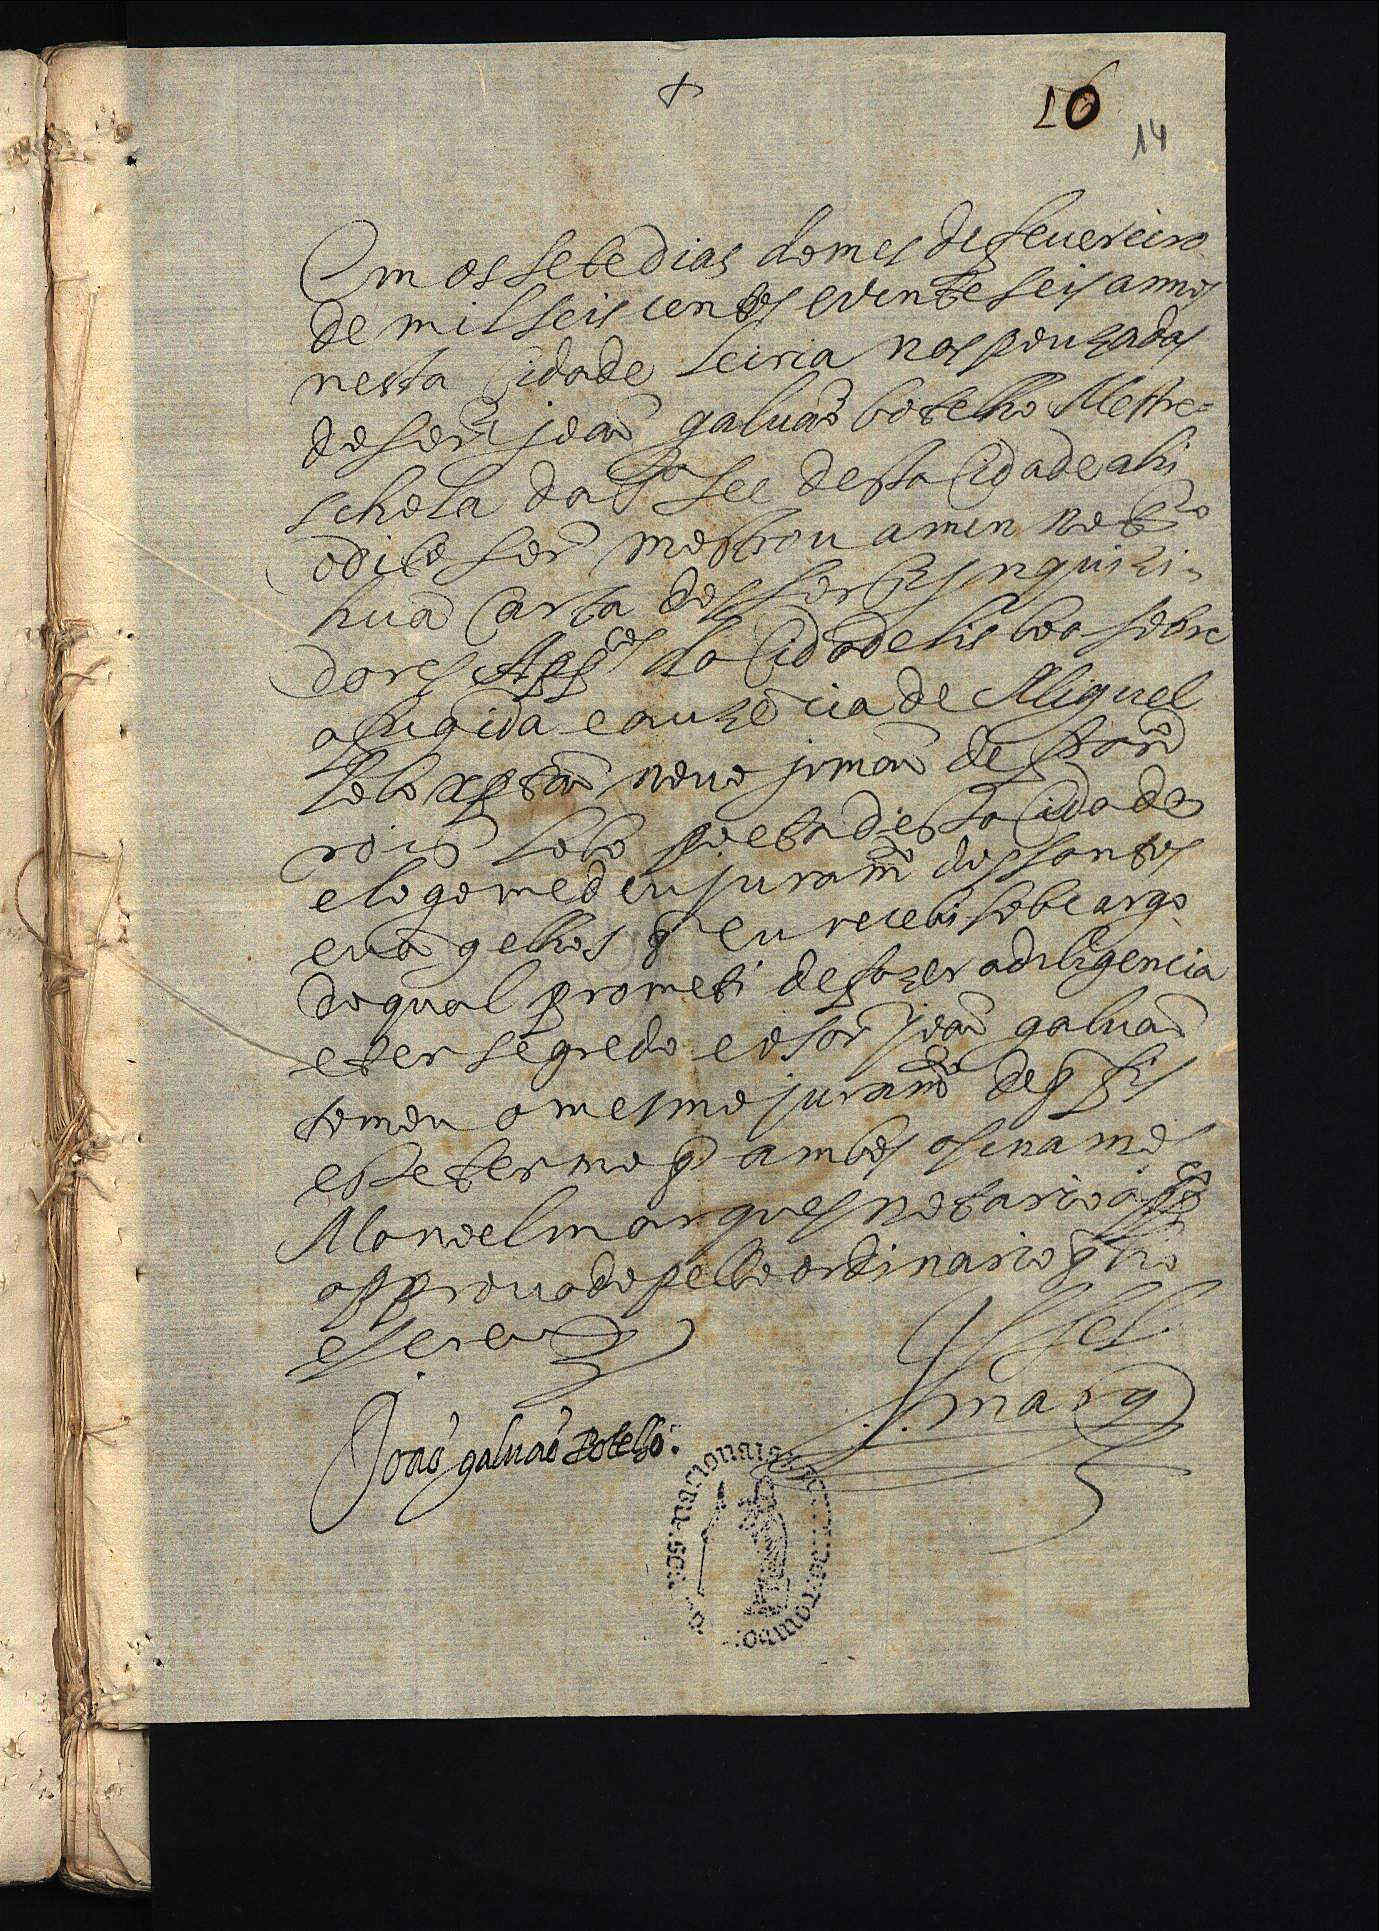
Em os sete dias do mes de feuereiro
de mil seiscentos e vinte seis annos
nesta Cidade Leiria nas pouzadas
do sor̄ Joaõ galuaõ botelho Mestre
schola da sta see desta Cidade ahi
o dito sor̄ mostrou a min notro
huā Carta dos sors̄ Jnquizi
dores Appcos da Cidade Lisboa sobre
a fugida e auzēcia de Miguel
lobo xptão nouo jrmão de franco
rois̄ Lobo poeta desta Cidade
e logo me deu juramto dos santos
euāgelhos q̄ eu recebi sob cargo
do qual prometi de fazer a diligencia
e ter segredo e o sor̄ joão galuaõ
tomou o mesmo juramto de q̄ fis
este termo q̄ ambos asinamos
Manoel marques notario appco
approuado pello ordinario q̄ ho
escreuy
